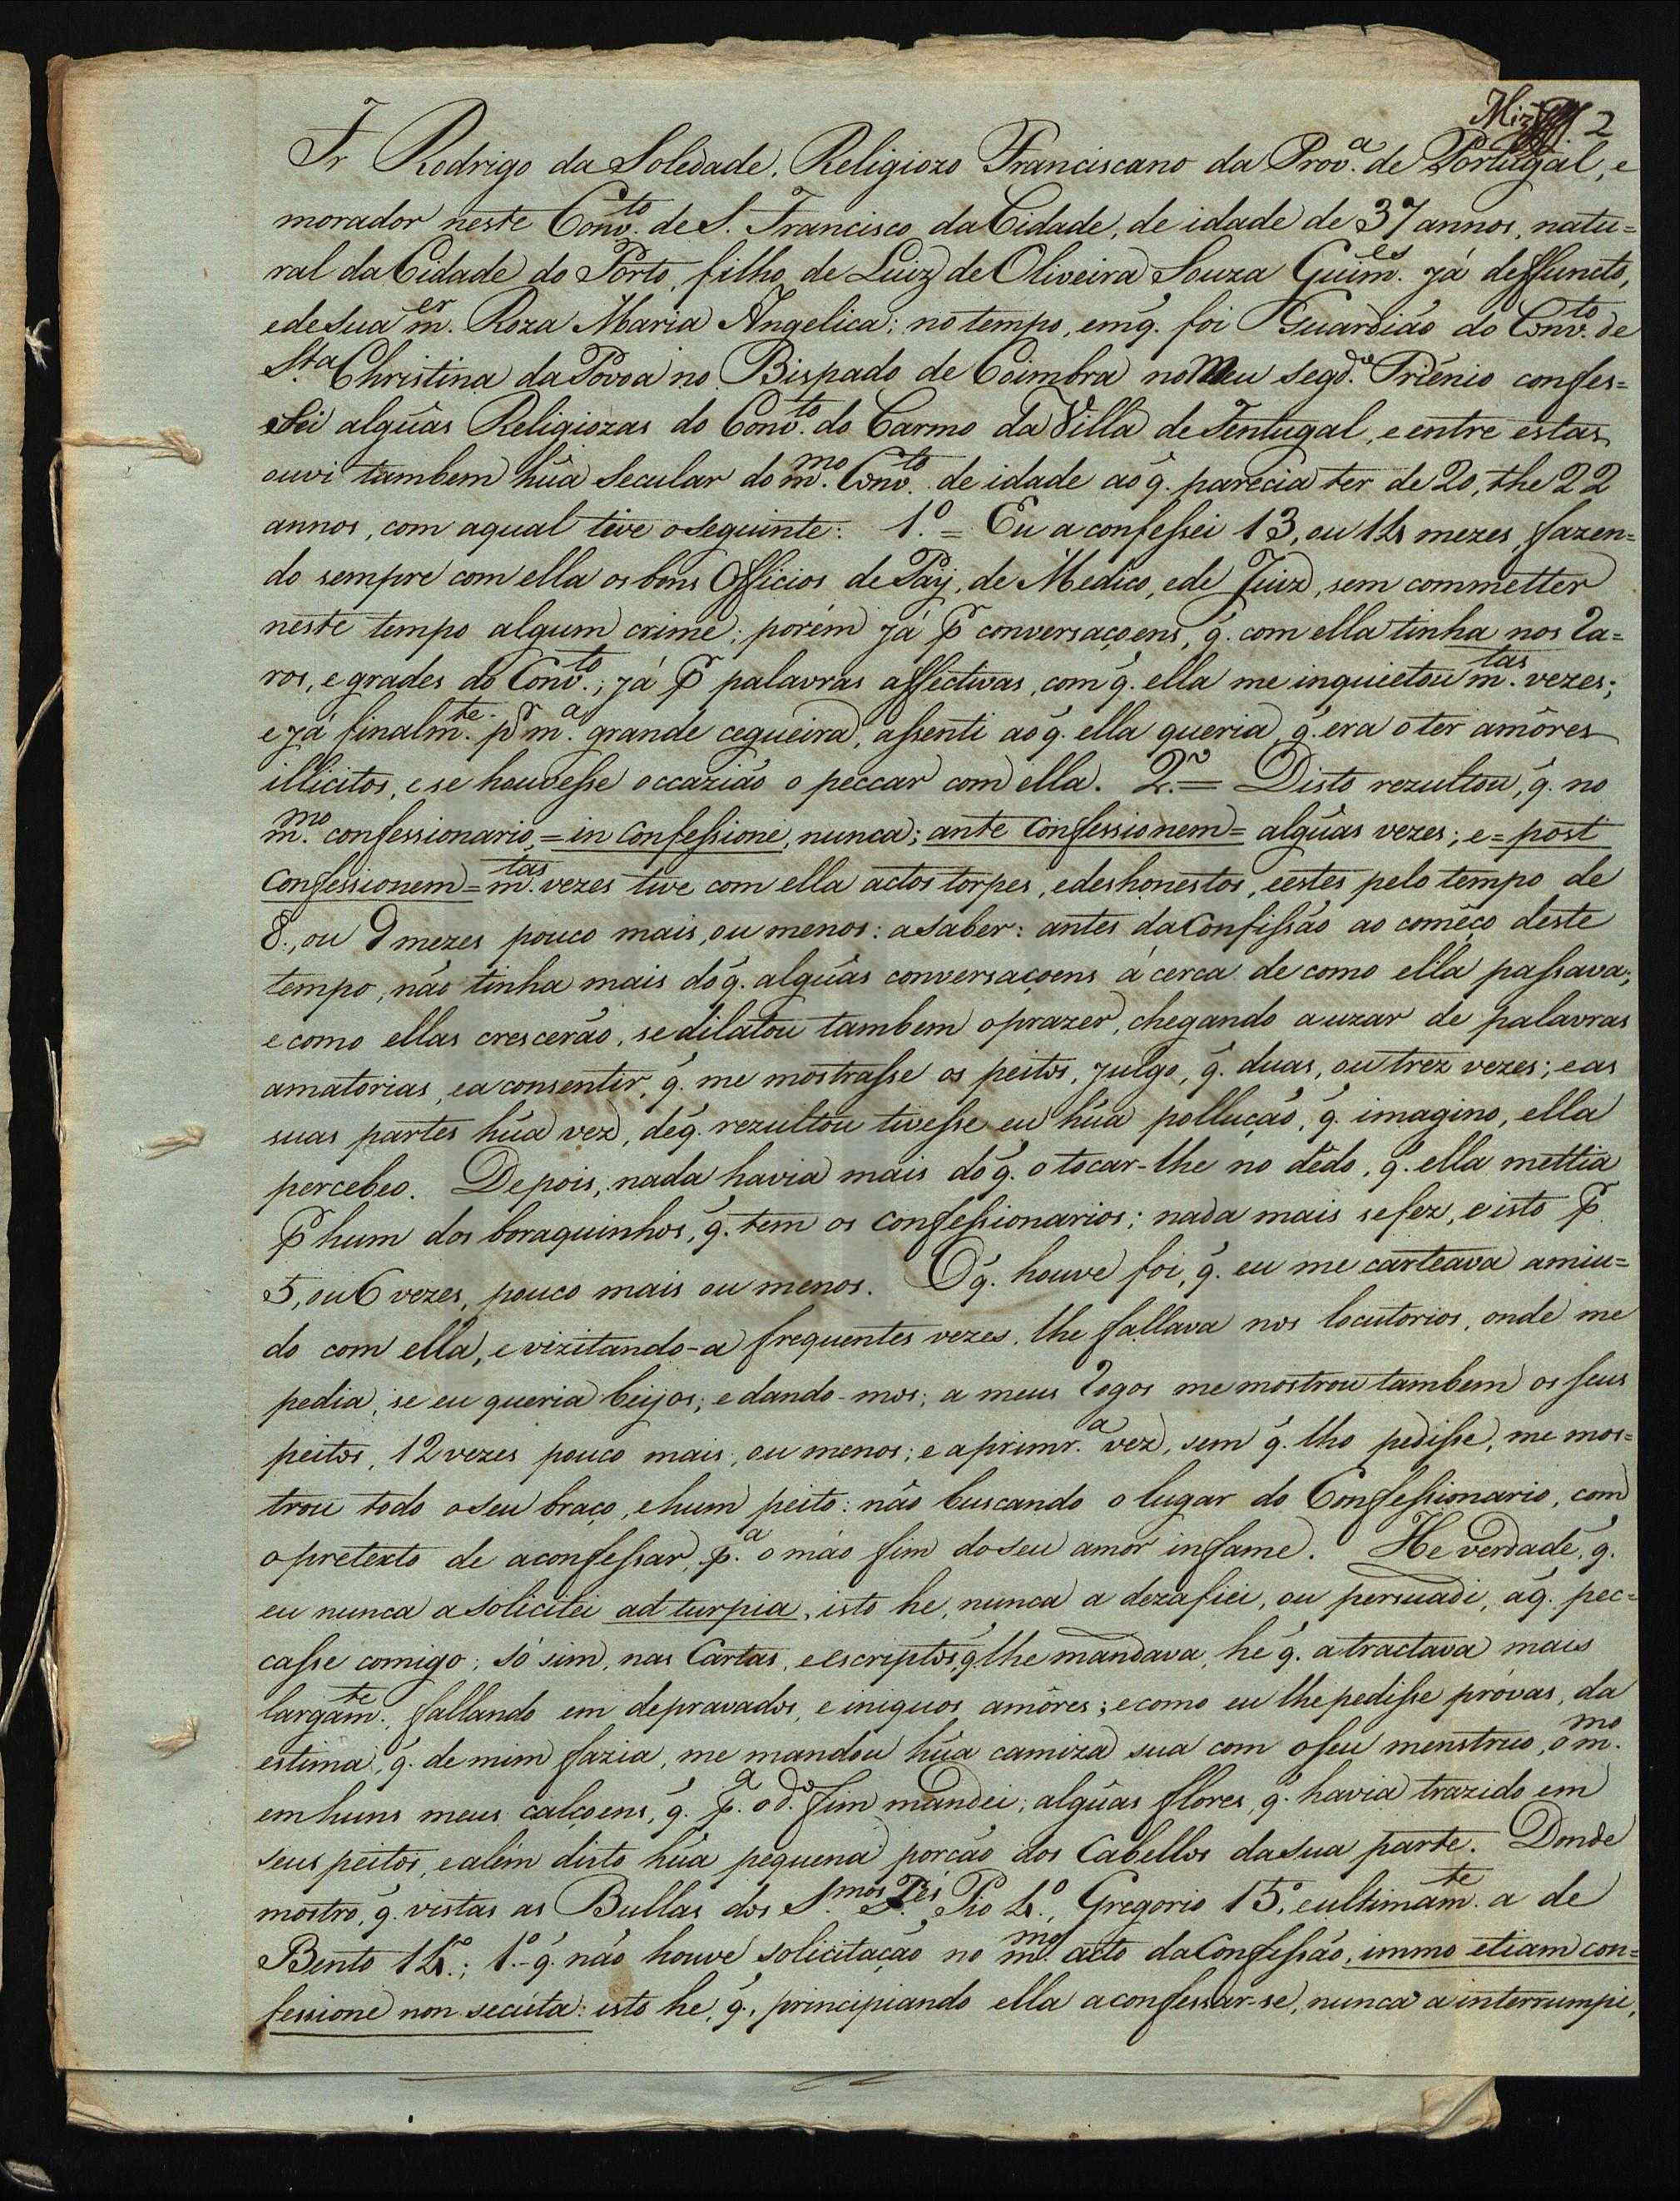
Fr Rodrigo da Soledade Religiozo Franciscano da Prov.a de Portugal, e
morador neste Conv.to de S. Francisco da Cidade, de idade de 37 annos, natu
ral da Cidade do Porto, filho de Luiz de Oliveira Souza Guim.es já deffuncto,
e de sua m.er Roza Maria Angelica: no tempo, em q̄ foi Guardiaõ do Conv.to de
S.ta Christina da Povoa no Bispado de Coimbra no meu segd.o Triénio confes
Sei algūas Religiozas do Conv.to do Carmo da Villa de Tentugal, e entre estas
ouvi tambem hūa secular do m.mo Conv.to de idade ao q̄ parecia ter de 20, the 22
annos, com a qual tive o seguinte: 1.º = Eu a confessei 13, ou 14 mezes, fazen
do sempre com ella os bons Officios de Pay, de Medico, e de Juiz, sem commetter
neste tempo algum crime; porém já p.r conversaçoens, q̄ com ella tinha nos Ra
ros, e grades do Conv.to; já p.r palavras affectivas, com q̄ ella me inquietou m.tas vezes;
e já finalm.te p.r m.a grande cegueira, assenti ao q̄ ella queria, q̄ era o ter amôres
illicitos, e se houvesse occaziao o peccar com ella. 2.º = Disto rezultou, q̄ no
m.mo confessionario, = in confessione, nunca; ante confessionem = algūas vezes; e = post
confessionem = m.tas vezes tive com ella actos torpes, e deshonestos, e estes pelo tempo de
8, ou 9 mezes pouco mais ou menos: a saber: antes da confissaõ ao começo deste
tempo, não tinha mais do q̄ alguās conversaçoens ácerca de como ella passava,
e como ellas crescerão, se dilatou tambem o prazer, chegando a uzar de palavras
amatorias, e a consentir, q̄ me mostrasse os peitos, julgo, q̄ duas, ou trez vezes; e as
sas partes hūa vez, de q̄ rezultou tivesse eu hūa polluçaõ, q̄ imagino, ella
percebeo. Depois, nada havia mais do q̄ o tocar-lhe no dêdo, q̄ ella mettia
p.a hum dos boraquinhos, q̄ tem os confessionarios: nada mais se fez, e isto p.r
5 ou 6 vezes, pouco mais ou menos. O q̄ houve foi, q̄ eu me carteava amiu
do com ella, e vizitando-a frequentes vezes lhe fallava nos locutorios, onde me
pedia se eu queria beijos; e dando-mos a meu Rogos me mostrou tambem os seus
peitos, 12 vezes pouco mais ou menos; e a primr.a vez, sem q̄ lho pedisse, me mos
trou todo o seu braço, e hum peito: nãp buscando o lugar do Confessionario, com
o pretexto de a confessar p.a o máo fim do seu amor infame. He verdade q̄
eu nunca a solicitei ad turpia, isto he, nunca a dezafiei, ou persuadi, a q̄ pec
casse comigo; só sim nas Cartas, e escriptos, q̄ lhe mandava he q̄ a tractava mais
largam.te fallando em depravados, e iniquos amôres; e como eu lhe pedisse próvas, da
estima, q̄ de mim fazia, me mandou hūa camiza sua com o seu menstruo, o m.mo
em huns meus calçoens, q̄ p.a o d.o fim mandei; algūas flores, q̄ havia trazido em
seus peitos, e alem disto hua pequena porção dos Cabellos da sua parte. Donde
mostro, q̄ vistas as Bullas dos S.mos P.es, Pio 4.º, Gregorio 15.º e ultimam.te a de
Bento 14.º; 1.º- q̄ não houve solicitaçaõ no m.mo acto da Confissaõ, immo etiam con
fessione non secuta: isto he q̄, principiando ella a confessar-se, nunca a interrumpi,
